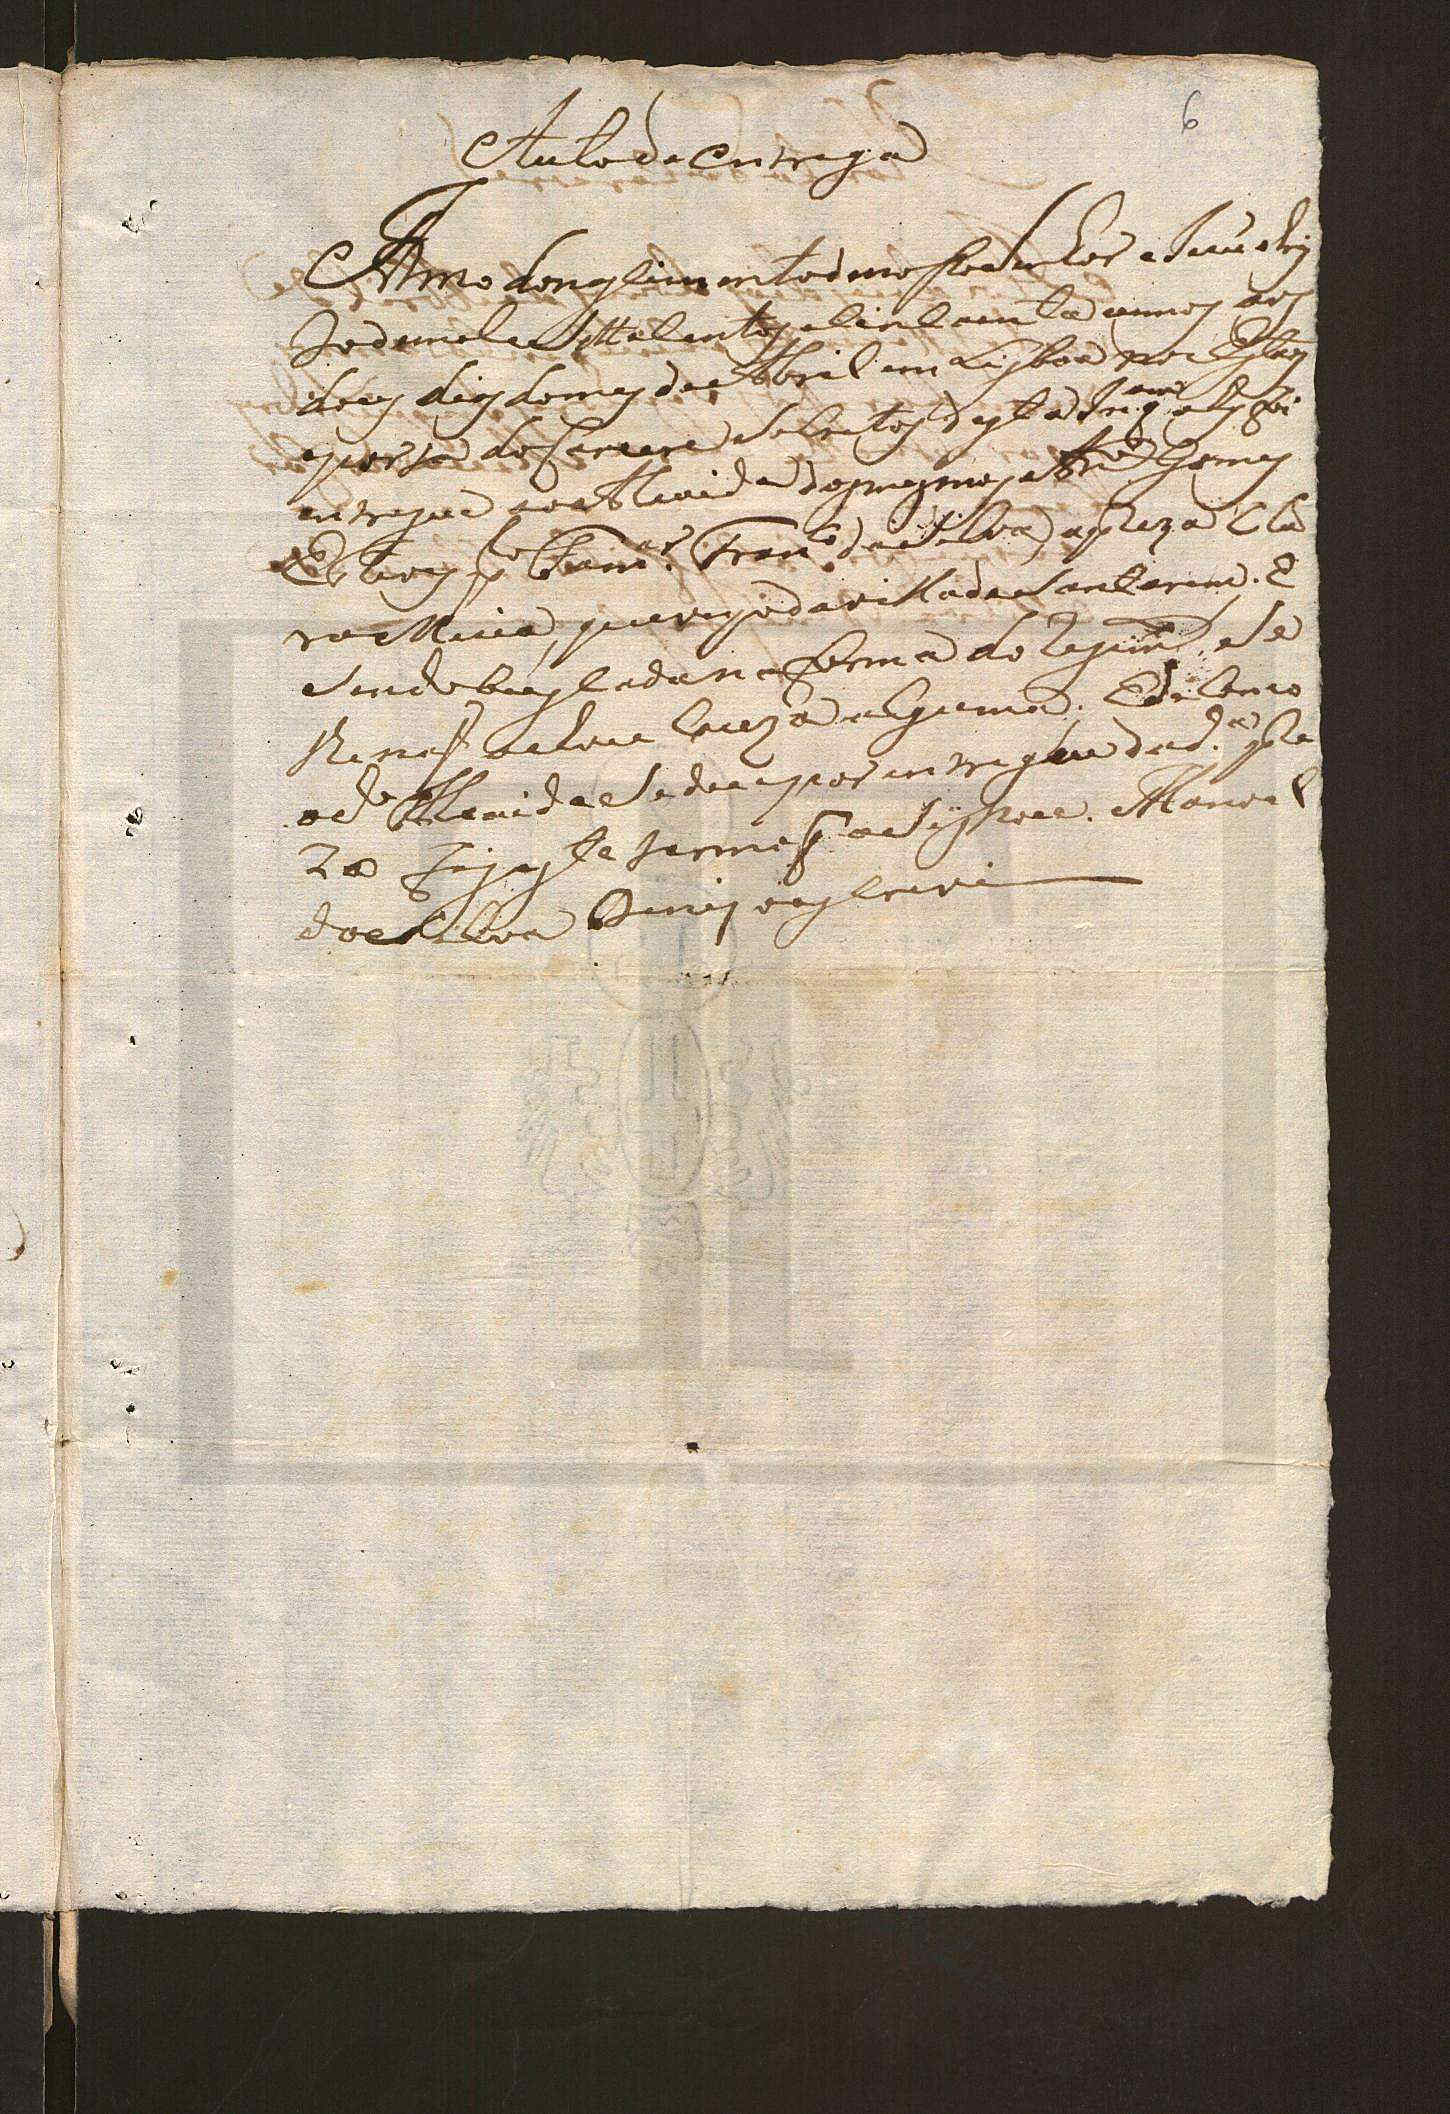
Auto da entrega
Anno do nasCimento do nosso Senhor e Iesū chris
to de mil e SetteCentos e CinCoenta annos aos
dous dias do mes de Abril em Lisboa nos Estaos
e porta do Carcere SeCretos desta In.qam ahy foi
entregue ao Alcaide dos mesmos Anto Gomes
Esteves plo Fam.ar Fran.co da silva, a preza, Cla
ra Maria, que veyo da villa da Santarem. E
Sendo busCada na forma do Regim.to Se
lhe naõ achou Cauza alguma. E de Como
o do Alcaide Se deu por entregeu da d.a pre
Za fis este termo q̄ aSignou. Manoel
da Silva Denis o escrevi
